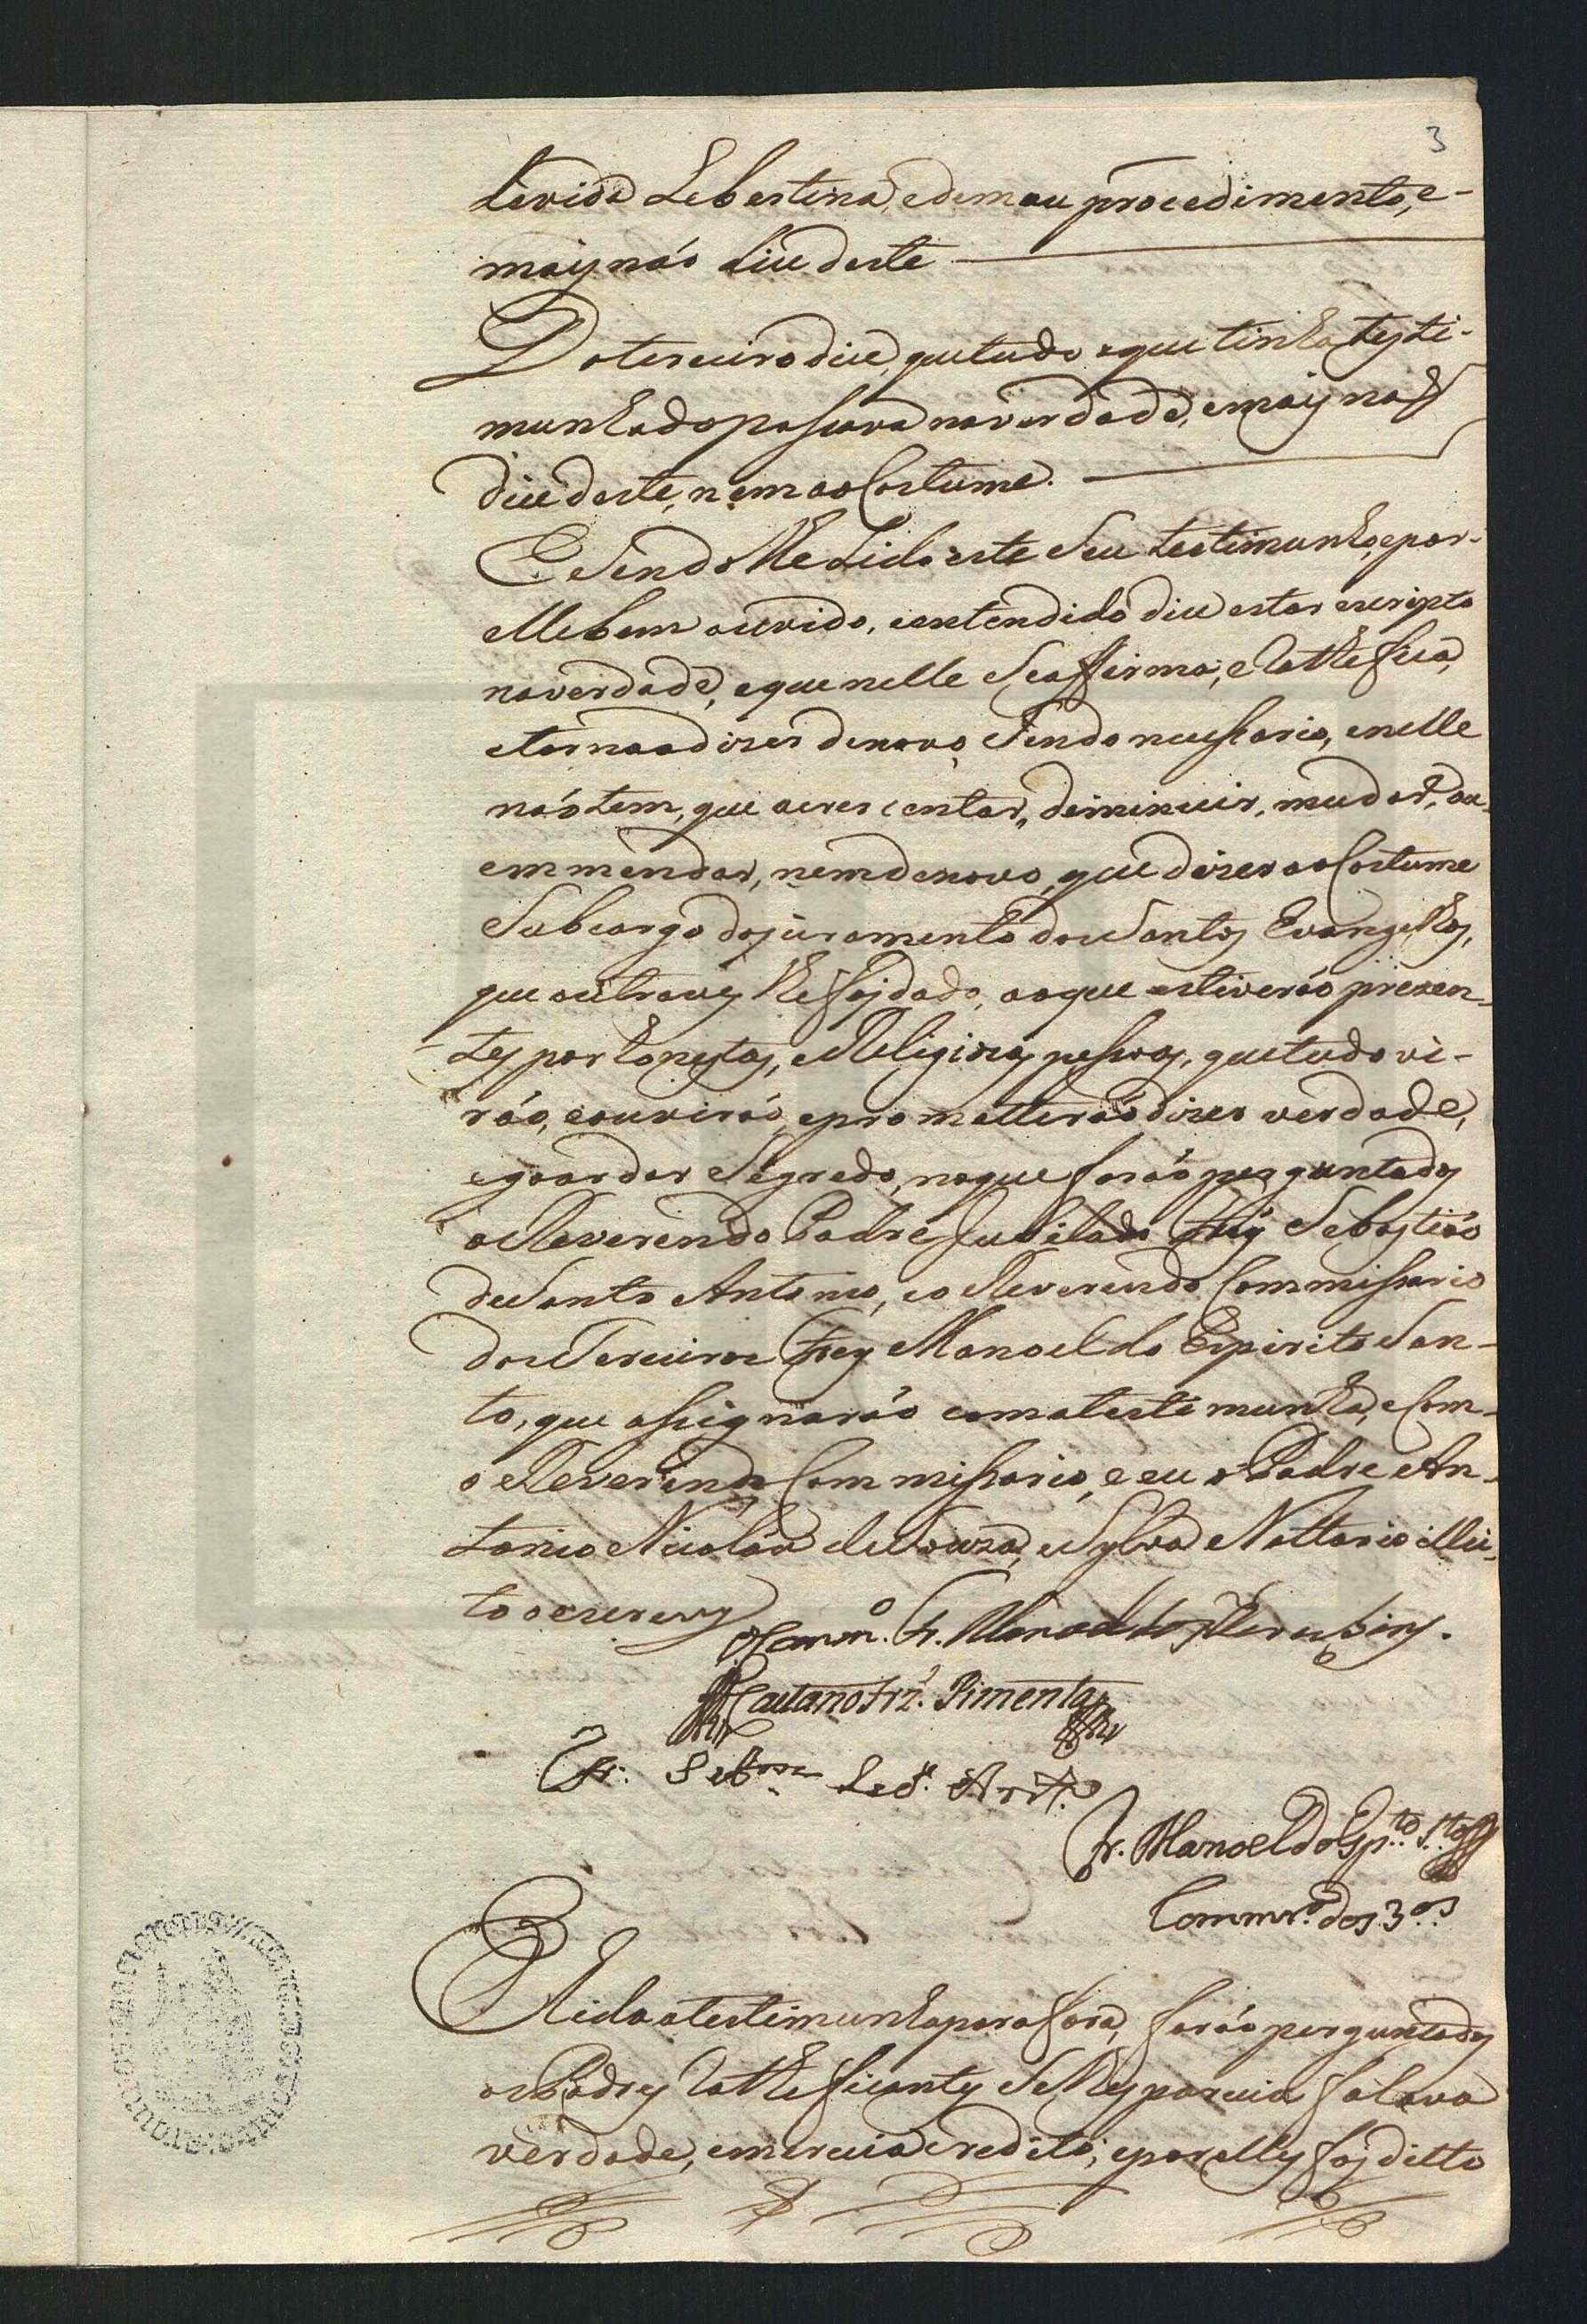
devida Lebertina, e de mau procedimento, e
mais naõ dice deste
Do terceiro dice, que tudo o que tinha teste
munhado passava na verdade, e mais naꝭ
dice deste, nem ao Costume.
E Sendolhe Lido este Seu testimunho, e por
elle bem ouvido, e entendido dice estar escripto
na verdade, e que nelle Se affirma; e Rathefica,
e torna a dizer de novo, Sendo necessario, e nelle
naõ tem, que acrescentar, diminuir, mudar, ou
emmendar, nem de novo que dizer ao Costume
Subcargo do juramento dos Santos Evangelhos,
que outra ves lhe foj dado, ao que estiveraõ prezen
des por honestas, e Religiozas pessoas, que tudo vi
raõ, e ouviraõ e prometteraõ dizer verdade,
e goardar Segredo, no que foraõ perguntados
o Reverendo Padre Jubilado Frey Sebastiaõ
de Santo Antonio, e o Reverendo Commissario
dos Terceiros Frey Manoel do Espirito San
to, que assignaraõ com a testemunha, e Com
o Reverendo Commissario, e eu o Padre An
tonio Nicoláu de Souza, e Sylva Nottario illei
to o escrevy
O Comm.o Fr. Manael dos Qerosbins
Caetano frz̄ Pimenta
Fr. Seb.m de s.to Ant.o
Fr. Manoel do Esp.to s.to
Commr.o dos 3.os
E hida a testimunha para fora, foraõ perguntados
os Padres Ratheficantes se lhes parecia falava
verdade, e merecia credito; e por elles foj ditto
